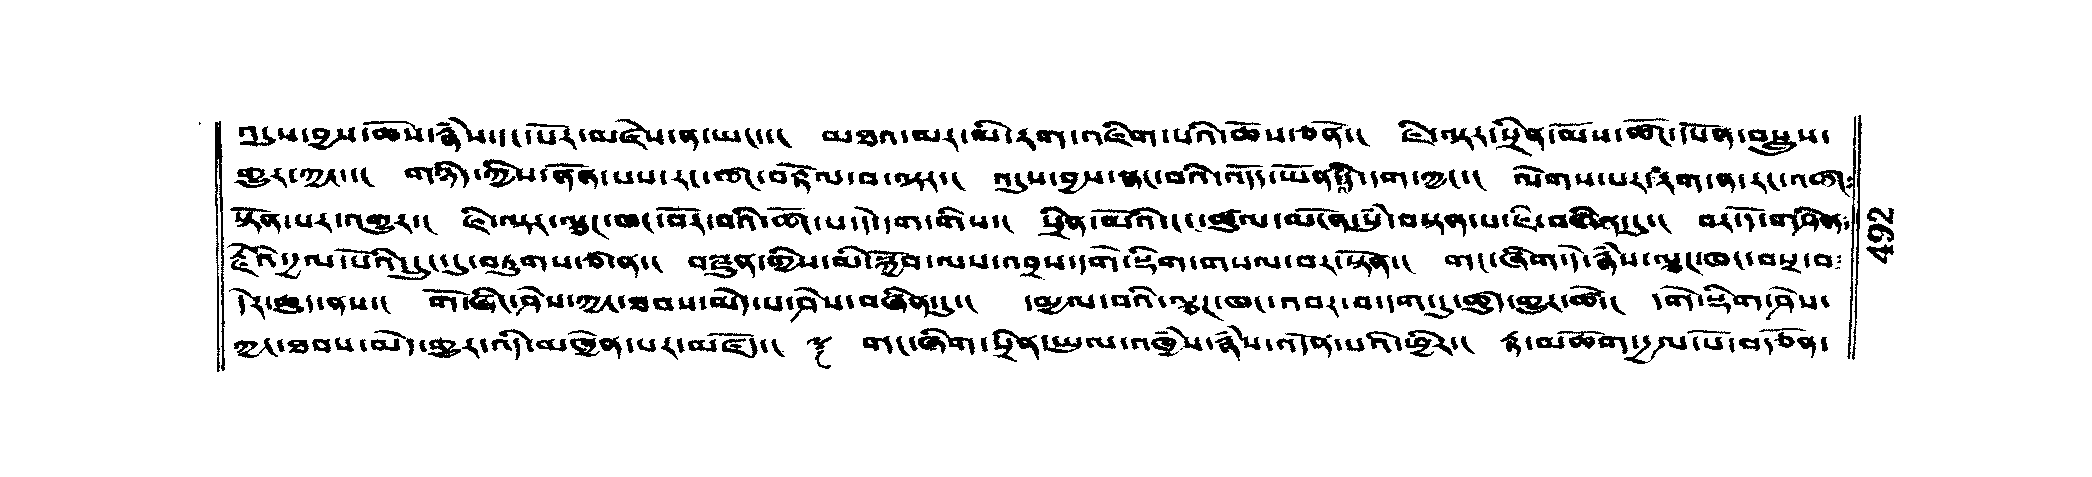།འདུས་བྱས་ཆོས་རྣམས་དང་པོར་མཛེས་ན་ཡང་། །མཐའ་མར་མི་རྟག་འཇིག་པའི་ཆོས་ཅན་ནོ། །ཇི་ལྟར་སྲིན་མོས་ཚོང་དཔོན་བསླུས་
གྱུར་ཀྱང་། །གཉིད་ཀྱི་ནོན་པས་རང་ཚང་བརྟོལ་བ་ལྟར། །འདུས་བྱས་སྣང་བའི་འདོད་ཡོན་འདི་དག་ཀྱང་། །ལེགས་པར་བརྟགས་ན་རང་མཚང་
སྟོན་པ་འགྱུར། །ཇི་ལྟར་ལྕགས་ཁང་བོར་བའི་ཚོང་པ་དེ་དག་གིས། །སྲིན་མོའི་ངང་ཚུལ་མངོན་སུམ་བསྟན་པ་ཇི་བཞིན་དུ། །བར་དོ་གཤིན་
རྗེའི་རྒྱལ་པོའི་དྲུང་དུ་བཏུགས་ཙ་ན། །བརྫུན་གྱིས་མི་སྐྱོབ་ལས་འབྲས་དགེ་སྡིག་གསལ་བར་སྟོན། །གང་ཞིག་དེ་རྣམས་ལྕགས་ཁང་བསྲ་བ་
དེར་ཆུད་ནས། །གོ་ཞིང་ཤེས་ཀྱང་ཐབས་མེད་པ་ཤེས་ཇི་བཞིན་དུ། །དམྱལ་བའི་ལྕགས་ཁང་འབར་བ་དག་ཏུ་ཚུད་གྱུར་ཚེ། །དགེ་སྡིག་ཤེས་
ཀྱང་ཐབས་མེད་གྱུར་འདི་མཁྱེན་པར་མཛོད། །གང་ཞིག་སྲིན་ཡུལ་འཁྱམས་རྣམས་འདོན་པའི་ཕྱིར། །རྟ་མཆོག་རྒྱལ་པོའི་བརྩོན་